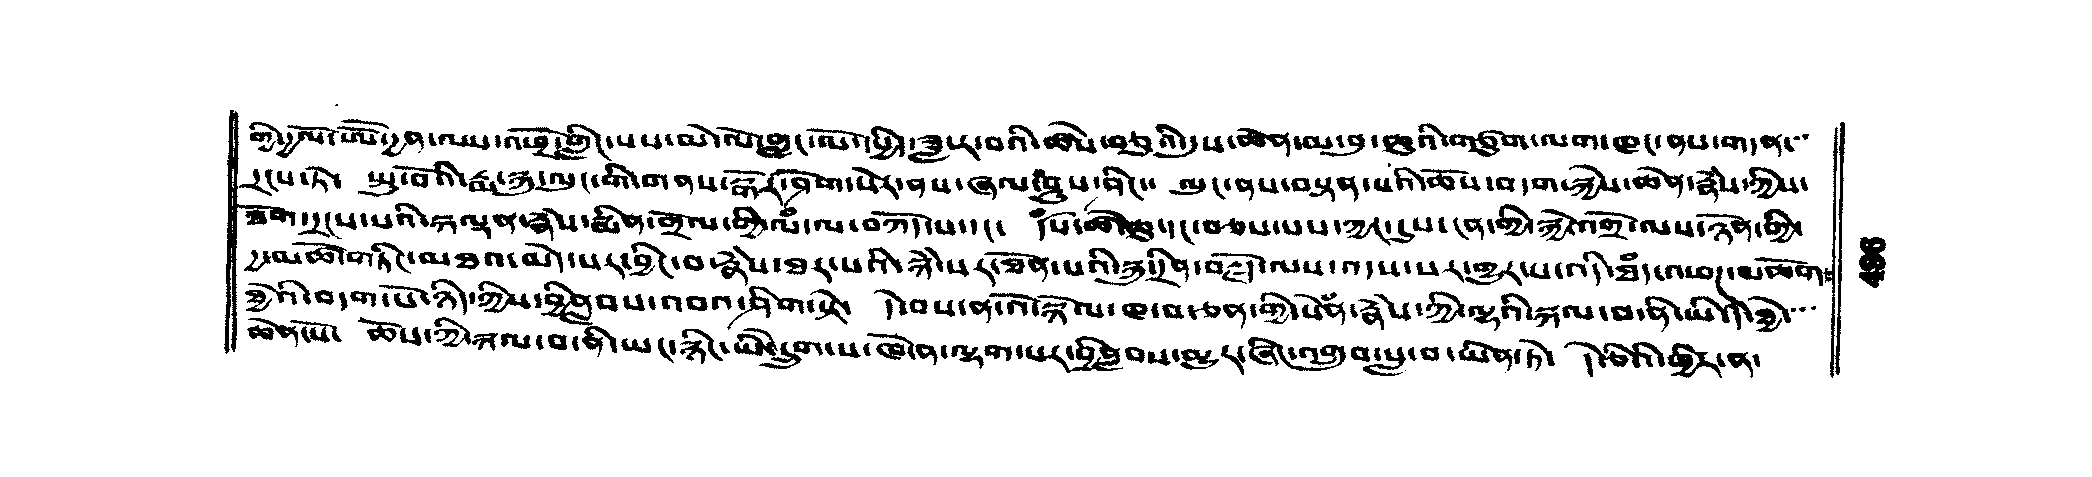གྱི་རྒྱལ་པོ་ཨོ་རྒྱན་ལས་འཕྲོ་གླིང་པས་མེ་མོ་གླང་ལོ་དཔྱིད་ཟླ་ར་བའི་ཚེས་བཅུའི་དུས་ཆེན་ལ་བུ་ཆུའི་གཙུག་ལག་ཁང་ནས་གདན་
དྲངས་ཏེ། སྤུ་བོའི་རྨ་སྐུ་ལུང་གི་གནས་སྒོར་ཤོག་སེར་ནས་ཞལ་གདམས་བཤུས་ཤིང་། ལུང་ནས་བསྟན་པའི་ཆོས་བདག་སྐྱེས་ཆེན་རྣམས་ཀྱིས་
ཐོག་དྲངས་པའི་སྐལ་ལྡན་རྣམས་སྨིན་གྲོལ་གྱི་ལམ་ལ་བཀོད་པ་དང་། དམ་རྫས་ཚེ་ཆུ་དང་བཅས་པས་ཀྱང་དུས་ངན་གྱི་སྐྱེ་འགྲོ་ལས་ཉོན་གྱི་
རྒྱ་མཚོ་གཏིང་མཐའ་མེད་པར་བྱིང་བ་རྣམས་ཐར་པའི་སྐམ་སར་ཐོན་པའི་སྐུ་དྲིན་བརྗོད་ལས་འདས་པར་གྱུར་པ་འདི་ཐམས་ཅད་འཕགས་མཆོག་
ཐུགས་རྗེའི་བདག་པོ་ཉིད་ཀྱི་བྱིན་རླབས་འབའ་ཞིག་སྟེ། དེ་བས་ན་འོ་སྐོལ་ཁ་བ་ཅན་གྱི་སེམས་ཅན་རྣམས་ཀྱི་ལྷའི་སྐལ་བ་ནི་ཡི་དམ་ཐུགས་རྗེ་
ཆེན་པོ། ཆོས་ཀྱི་སྐལ་བ་ནི་ཡང་སྙིང་ཡི་གེ་དྲུག་པ་ཁོ་ན་ལྷག་པར་བྱིན་རླབས་མྱུར་ཞིང་འགྲུབ་སླ་བ་ཡིན་ཏེ། དེ་ཅིའི་ཕྱིར་ན་